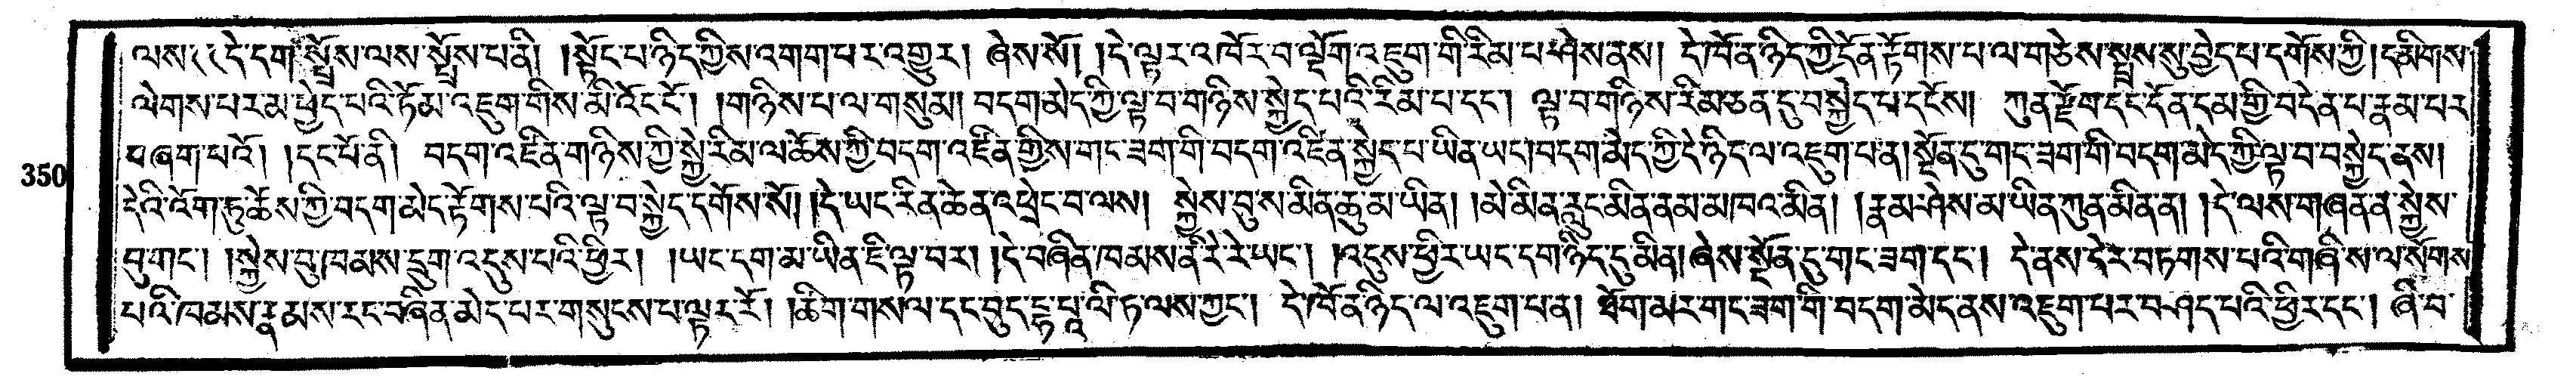ལས༑ ༑དེ་དག་སྤྲོས་ལས་སྤྲོས་པ་ནི། །སྟོང་པ་ཉིད་ཀྱིས་འགག་པར་འགྱུར། ཞེས་སོ། །དེ་ལྟར་འཁོར་བ་ལྡོག་འཇུག་གི་རིམ་པ་ཤེས་ནས། དེ་ཁོ་ན་ཉིད་ཀྱི་དོན་རྟོགས་པ་ལ་གཅེས་སྤྲས་སུ་བྱེད་པ་དགོས་ཀྱི། དམིགས་
ལེགས་པར་མ་ཕྱེད་པའི་ཏོམ་འཇུག་གིས་མི་འོང་ངོ། །གཉིས་པ་ལ་གསུམ། བདག་མེད་ཀྱི་ལྟ་བ་གཉིས་སྐྱེད་པའི་རིམ་པ་དང་། ལྟ་བ་གཉིས་རིམ་ཅན་དུ་བསྐྱེད་པ་དངོས། ཀུན་རྫོབ་དང་དོན་དམ་གྱི་བདེན་པ་རྣམ་པར་
བཞག་པའོ། །དང་པོ་ནི། བདག་འཛིན་གཉིས་ཀྱི་སྐྱེ་རིམ་ལ་ཆོས་ཀྱི་བདག་འཛིན་གྱིས་གང་ཟག་གི་བདག་འཛིན་སྐྱེད་པ་ཡིན་ཡང་། བདག་མེད་ཀྱི་དེ་ཉིད་ལ་འཇུག་པ་ན། སྔོན་དུ་གང་ཟག་གི་བདག་མེད་ཀྱི་ལྟ་བ་བསྐྱེད་ནས།
དེའི་འོག་ཏུ་ཆོས་ཀྱི་བདག་མེད་རྟོགས་པའི་ལྟ་བ་སྐྱེད་དགོས་སོ། །དེ་ཡང་རིན་ཆེན་འཕྲེང་བ་ལས། སྐྱེས་བུས་མིན་ཆུ་མ་ཡིན། །མེ་མིན་རླུང་མིན་ནམ་མཁའ་མིན། །རྣམ་ཤེས་མ་ཡིན་ཀུན་མིན་ན། །དེ་ལས་གཞན་ན་སྐྱེས་
བུ་གང་། །སྐྱེས་བུ་ཁམས་དྲུག་འདུས་པའི་ཕྱིར། །ཡང་དག་མ་ཡིན་ཇི་ལྟ་བར། །དེ་བཞིན་ཁམས་ནི་རེ་རེ་ཡང་། །འདུས་ཕྱིར་ཡང་དག་ཉིད་དུ་མིན། ཞེས་སྔོན་དུ་གང་ཟག་དང་། དེ་ནས་དེར་བཏགས་པའི་གཞི་ས་ལས་སོགས་
པའི་ཁམས་རྣམས་རང་བཞིན་མེད་པར་གསུངས་པ་ལྟར་རོ། །ཚིག་གསལ་དང་བུད་ངྷ་པཱ་ལི་ཏ་ལས་ཀྱང་། དེ་ཁོ་ན་ཉིད་ལ་འཇུག་པ་ན། ཐོག་མར་གང་ཟག་གི་བདག་མེད་ནས་འཇུག་པར་བཤད་པའི་ཕྱིར་དང་། །ཞི་བ་